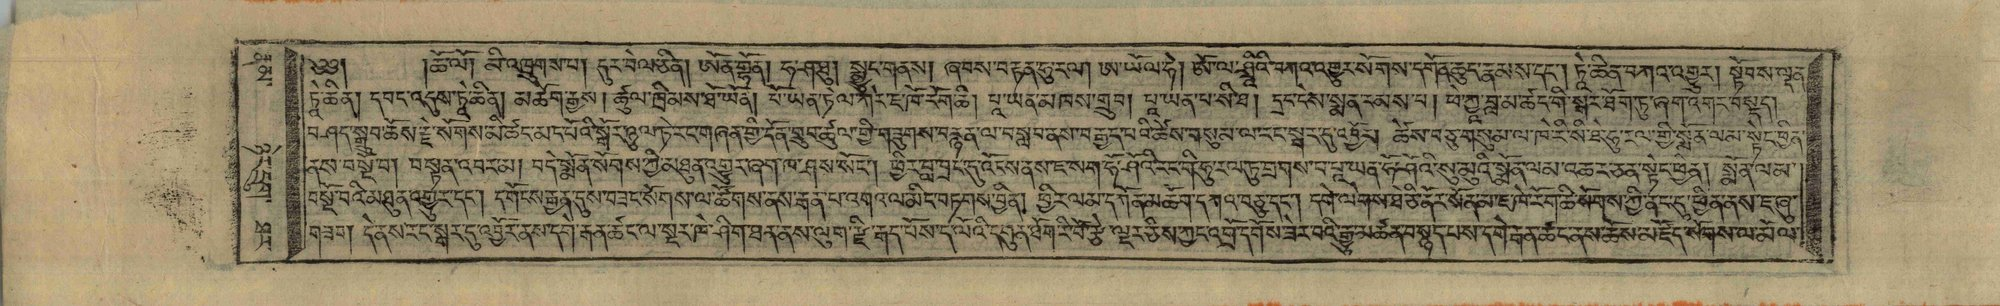༄༅། །ཆོ་ལོ། མི་འཁྲུགས་པ། དུར་བེལ་ཅིན། ཨོན་གྷོན། ཧ་ཤ་ཐུ། སྨྱུང་གནས། ཞབས་བརྟན་ཧུ་རལ། ཨ་ཡོལ་ཧེ། ཨོ་ལ་ཤྲཱིའི་བཀའ་འགྱུར་སོགས་དགོན་ཆུང་རྣམས་དང་། ཏE་ཆིན་བཀའ་འགྱུར། སྟོབས་ལྡན་
ཏE་ཆིན། དབང་འདུས་ཏE་ཆིན། མཆོག་རྒྱས། ཚུལ་ཁྲིམས་ཐོ་ཡོན། པོ་ཡན་ཏེལ་ཀེར་ཇ་ཁོ་རོག་ཆི། པཱ་ཡན་མཁས་གྲུབ། པཱ་ཡན་པ་སི་ཐ། དྲང་ངེས་སྨན་རམས་པ། ཕེ་ཀྱཱ་བླ་མ་ཚང་གི་སྒར་ཐོག་ཏུ་ཞག་འགར་བསྡད།
བཤད་སྒྲུབ་ཆོས་རྗེ་སོགས་མི་ཚང་མང་པོའི་སྒོར་ཉུལ་ཏེ་རང་གཞན་གྱི་དོན་གྲུབ་ཚུལ་གྱི་གཟུགས་བརྙན་ལ་བསླབ་ནས་བརྒྱད་པའི་ཚེས་གསུམ་ལ་རང་སྒར་དུ་འབྱོར། ཚེས་བཅུ་གསུམ་ལ་ཁེ་རི་སི་ཐེ་ཧུ་རལ་གྱི་སྨོན་ལམ་སྟེང་ཕྱིན་
ནས་བསྔོ་བ། བསྟན་འབར་མ། བདེ་སྨོན་སོགས་ཀྱི་མཐུན་འགྱུར་ཞག་ཁ་ཤས་སོང་། ཕྱིར་བླ་བྲང་དུ་འོངས་ནས་ཇ་སག་ཧོ་ཤོའི་རང་གི་ཧུ་རལ་ཏུ་གྲགས་པ་པཱ་ཡན་ཧོ་ཤོའི་སུ་མུའི་སྨོན་ལམ་འཆར་ཅན་སྟེང་ཕྱིན། སྨོན་ལམ་
བསྔོ་བའི་མཐུན་འགྱུར་དང་། དགོངས་རྒྱན་དུས་བཟང་སོགས་ལ་ཚོགས་ནས་རྒན་པ་འགའ་ལ་མིང་བཏགས་བྱིན། ཕྱིར་ལམ་དཀོན་མཆོག་དཀའ་བཅུ་དང་། དགེ་ལེགས་ཐེ་ཅི་ནོར་སོན་མ་ཇ་ཁེ་རོག་ཆི་སོགས་ཀྱི་ནང་དུ་ཕྱིན་ནས་ཇ་ཞུ་
གཟབ། དེ་ནས་རང་སྒར་དུ་འབྱོར་ནས་དགེ་རྒན་ཚང་ལ་སྔར་ཁེ་ཤིག་ཐན་ནས་ལུག་རྫི་རྒད་པོས་ད་ལོའི་དགུན་ཐོག་རི་བོ་རྩེ་ལྔར་ཅིས་ཀྱང་འགྲོ་དགོས་ཟེར་བའི་རྒྱུ་མཚན་བསྙད་པས་དགེ་རྒན་ཚང་ནས་ཆོས་མཛོད་སོགས་ལ་མོལ་